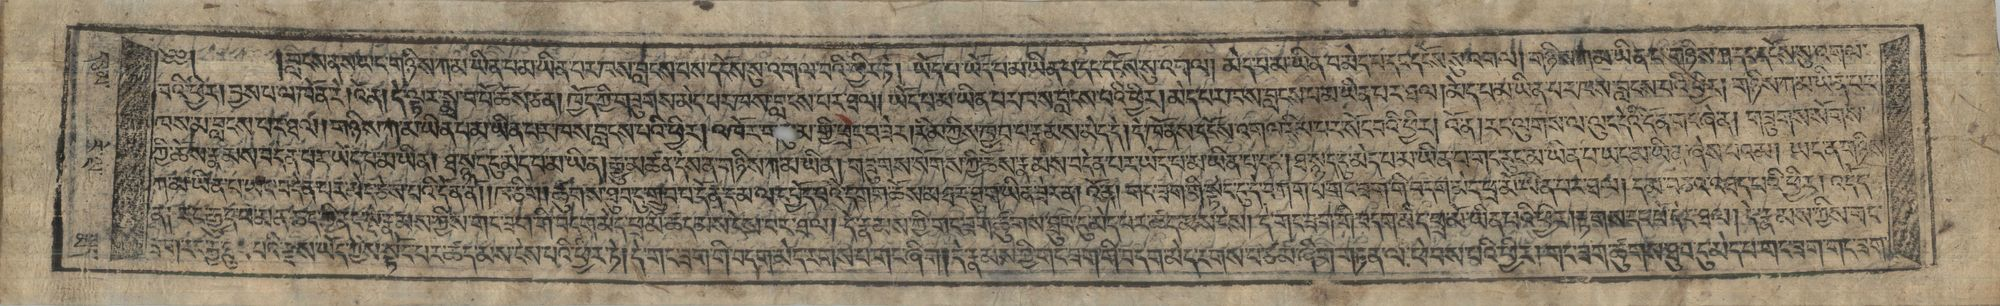༄༅། །བླངས་ནས་ཡང་གཉིས་ཀ་མ་ཡིན་པ་མ་ཡིན་པར་ཁས་བླངས་པས་དངོས་སུ་འགལ་བའི་ཕྱིར་ཏེ། ཡོད་པ་ཡོད་པ་མ་ཡིན་པ་དང་དངོས་སུ་འགལ། མེད་པ་མ་ཡིན་པ་མེད་པ་དང་དངོས་སུ་འགལ། གཉིས་ཀ་མ་ཡིན་པ་གཉིས་ཀ་དང་དངོས་སུ་འགལ་
བའི་ཕྱིར། བྱས་པ་ལ་ཁོ་ན་རེ། འོ་ན། དེ་ལྟར་སྨྲ་བ་པོ་ཆོས་ཅན། ཁྱོད་ཀྱི་གཟུགས་མེད་པར་ཁས་བླངས་པར་ཐལ། ཡོད་པ་མ་ཡིན་པར་ཁས་བླངས་པའི་ཕྱིར། མེད་པར་ཁས་བླངས་པ་མ་ཡིན་པར་ཐལ། མེད་པ་མ་ཡིན་པར་ཁས་བླངས་པའི་ཕྱིར། གཉིས་ཀ་མ་ཡིན་པར་
ཁས་མ་བླངས་པར་ཐལ། །གཉིས་ཀ་མ་ཡིན་པ་མ་ཡིན་པར་ཁས་བླངས་པའི་ཕྱིར། འཁོར་གསུམ་གྱི་ཕྲེང་བ་ཟེར། རིམ་གྱིས་ཁྱབ་པ་རྣམས་མེད་དེ། དེ་ཁོ་ནས་དངོས་འགལ་རིམ་པར་སོང་བའི་ཕྱིར། འོ་ན། རང་ལུགས་ལ་ལུང་དེའི་དོན་གང་ཞེ་ན། གཟུགས་སོགས་
ཀྱི་ཆོས་རྣམས་བདེན་པར་ཡོད་པ་མ་ཡིན། ཐ་སྙད་དུ་མེད་པ་མ་ཡིན། རྒྱུ་མཚན་དེས་ན་གཉིས་ཀ་མ་ཡིན། གཟུགས་སོགས་ཀྱི་ཆོས་རྣམས་བདེན་པར་ཡོད་པ་མ་ཡིན་པ་དང་། ཐ་སྙད་དུ་མེད་པ་མ་ཡིན་པ་གང་རུང་མ་ཡིན་པ་ཡང་མ་ཡིན་ཞེས་པའམ། ཡང་ན་གཉིས་
ཀ་མ་ཡིན་པ་ཡང་བདེན་པར་མེད་ཅེས་པའི་དོན་ནོ། །ཁ་ཅིག ། ཚུགས་ཐུབ་དུ་གྲུབ་པ་དོན་དམ་ལ་དཔྱོད་པའི་དགག་ཆོས་མཐར་ཐུག་ཡིན་ཟེར་ན། འོ་ན། གང་ཟག་གི་སྟེང་དུ་དེ་བཀག་པ་གང་ཟག་གི་བདག་མེད་ཕྲ་མོ་ཡིན་པར་ཐལ། དམ་བཅའ་འཐད་པའི་ཕྱིར། འདོད་
ན། རང་རྒྱུད་པ་མན་ཆད་ཀྱི་ནང་སྡེ་རྣམས་ཀྱིས་གང་ཟག་གི་བདག་མེད་ཕྲ་མོ་ཚད་མས་ངེས་པར་ཐལ། དེ་རྣམས་ཀྱི་གང་ཟག་ཚུགས་ཐུང་དུ་མེད་པར་ཚད་མས་ངེས། དེ་གང་ཟག་གི་བདག་མེད་ཕྲ་མོ་ཡིན་པའི་ཕྱིར། རྟགས་དང་པོ་དེར་ཐལ། དེ་རྣམས་ཀྱིས་གང་
ཟག་རང་རྐྱ་ཐུབ་པའི་རྫས་ཡོད་ཀྱིས་སྟོང་པར་ཚད་མས་ངེས་པའི་ཕྱིར་ཏེ། དེ་གང་ཟག་གི་བདག་མེད་རགས་པ་གང་ཞིག ། དེ་རྣམས་ཀྱི་གང་ཟག་གི་བདག་མེད་རགས་པ་ཙམ་ཞིག་གཏན་ལ་ཕེབསྤའི་ཕྱིར། གང་ཟག་ཚུགས་ཐུབ་དུ་མེད་པ་གང་ཟག་